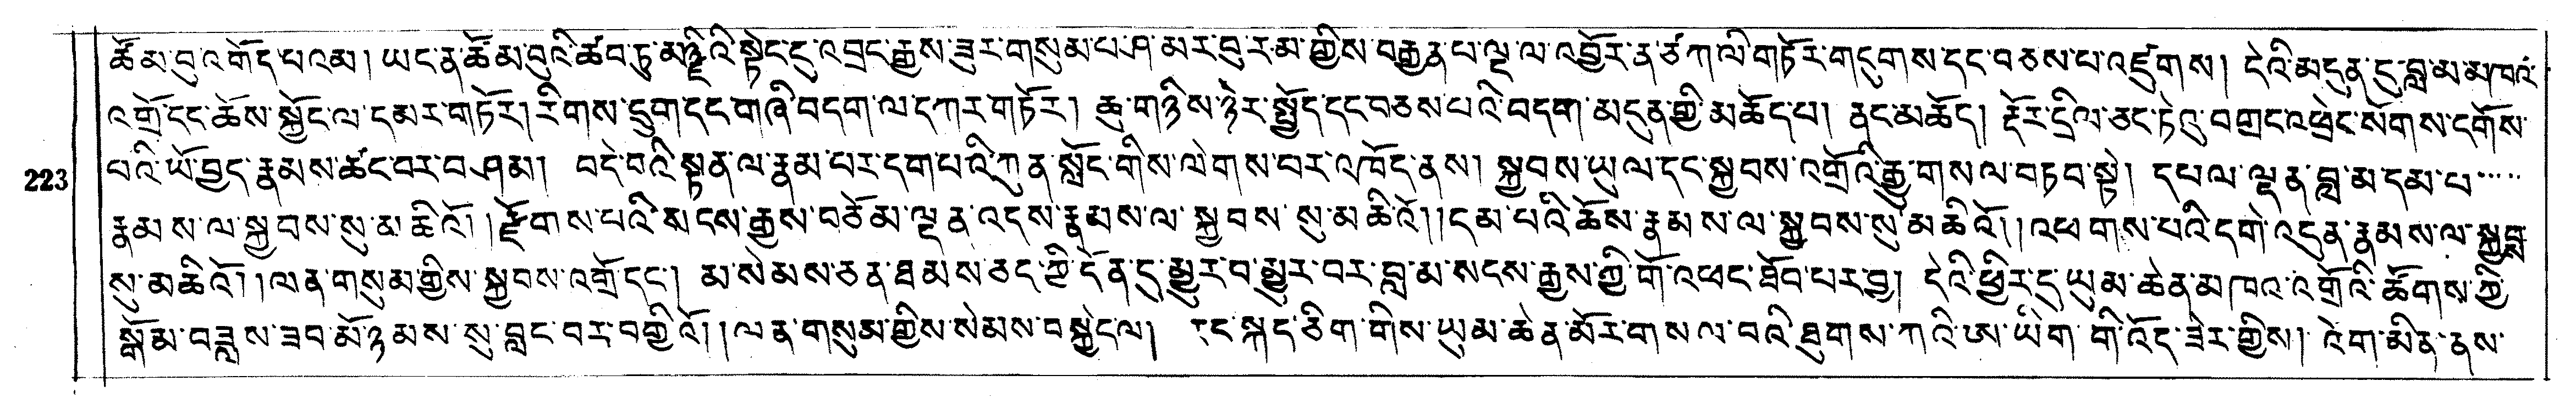ཚོམ་བུ་འགོད་པའམ། ཡང་ན་ཚོམ་བུའི་ཚབ་ཏུ་མཉྫིའི་སྟེང་དུ་འབྲང་རྒྱས་ཟུར་གསུམ་པ་ཤ་མར་བུ་རམ་གྱིས་བརྒྱན་པ་ལྔ་ལ་འབྱོར་ན་ཙཀ་ལི་གཏོར་གདུགས་དང་བཅས་པ་འཛུགས། དེའི་མདུན་དུ་བླ་མ་མཁའ་
འགྲོ་དང་ཆོས་སྐྱོང་ལ་དམར་གཏོར། རིགས་དྲུག་དང་གཞི་བདག་ལ་དཀར་གཏོར། ཆུ་གཉིས་ཉེར་སྤྱོད་དང་བཅས་པའི་བདག་མདུན་གྱི་མཆོད་པ། ནང་མཆོད། རྡོར་དྲིལ་ཅང་ཏེའུ་བགྲང་འཕྲེང་སོགས་དགོས་
པའི་ཡོ་བྱད་རྣམས་ཚང་བར་བཤམ། བདེ་བའི་སྟན་ལ་རྣམ་པར་དག་པའི་ཀུན་སློང་གིས་ལེགས་པར་འཁོད་ནས། སྐྱབས་ཡུལ་དང་སྐྱབས་འགྲོའི་རྒྱུ་གསལ་བཏབ་སྟེ། དཔལ་ལྡན་བླ་མ་དམ་པ་
རྣམས་ལ་སྐྱབས་སུ་མཆིའོ། །རྫོགས་པའི་སངས་རྒྱས་བཅོམ་ལྡན་འདས་རྣམས་ལ་སྐྱབས་སུ་མཆིའོ། །དམ་པའི་ཆོས་རྣམས་ལ་སྐྱབས་སུ་མཆིའོ། །འཕགས་པའི་དགེ་འདུན་རྣམས་ལ་སྐྱབས་
སུ་མཆིའོ། །ལན་གསུམ་གྱིས་སྐྱབས་འགྲོ་དང་། མ་སེམས་ཅན་ཐམས་ཅད་ཀྱི་དོན་དུ་མྱུར་བ་མྱུར་བར་བླ་མ་སངས་རྒྱས་ཀྱི་གོ་འཕང་ཐོབ་པར་བྱ། དེའི་ཕྱིར་དུ་ཡུམ་ཆེན་མཁའ་འགྲོའི་ཚོགས་ཀྱི་
སྒོམ་བཟླས་ཟབ་མོ་ཉམས་སུ་བླང་བར་བགྱིའོ། །ལན་གསུམ་གྱིས་སེམས་བསྐྱེད་ལ། རང་སྐད་ཅིག་གིས་ཡུམ་ཆེན་མོར་གསལ་བའི་ཐུགས་ཀའི་ཨ་ཡིག་གི་འོད་ཟེར་གྱིས། འོག་མིན་ནས་